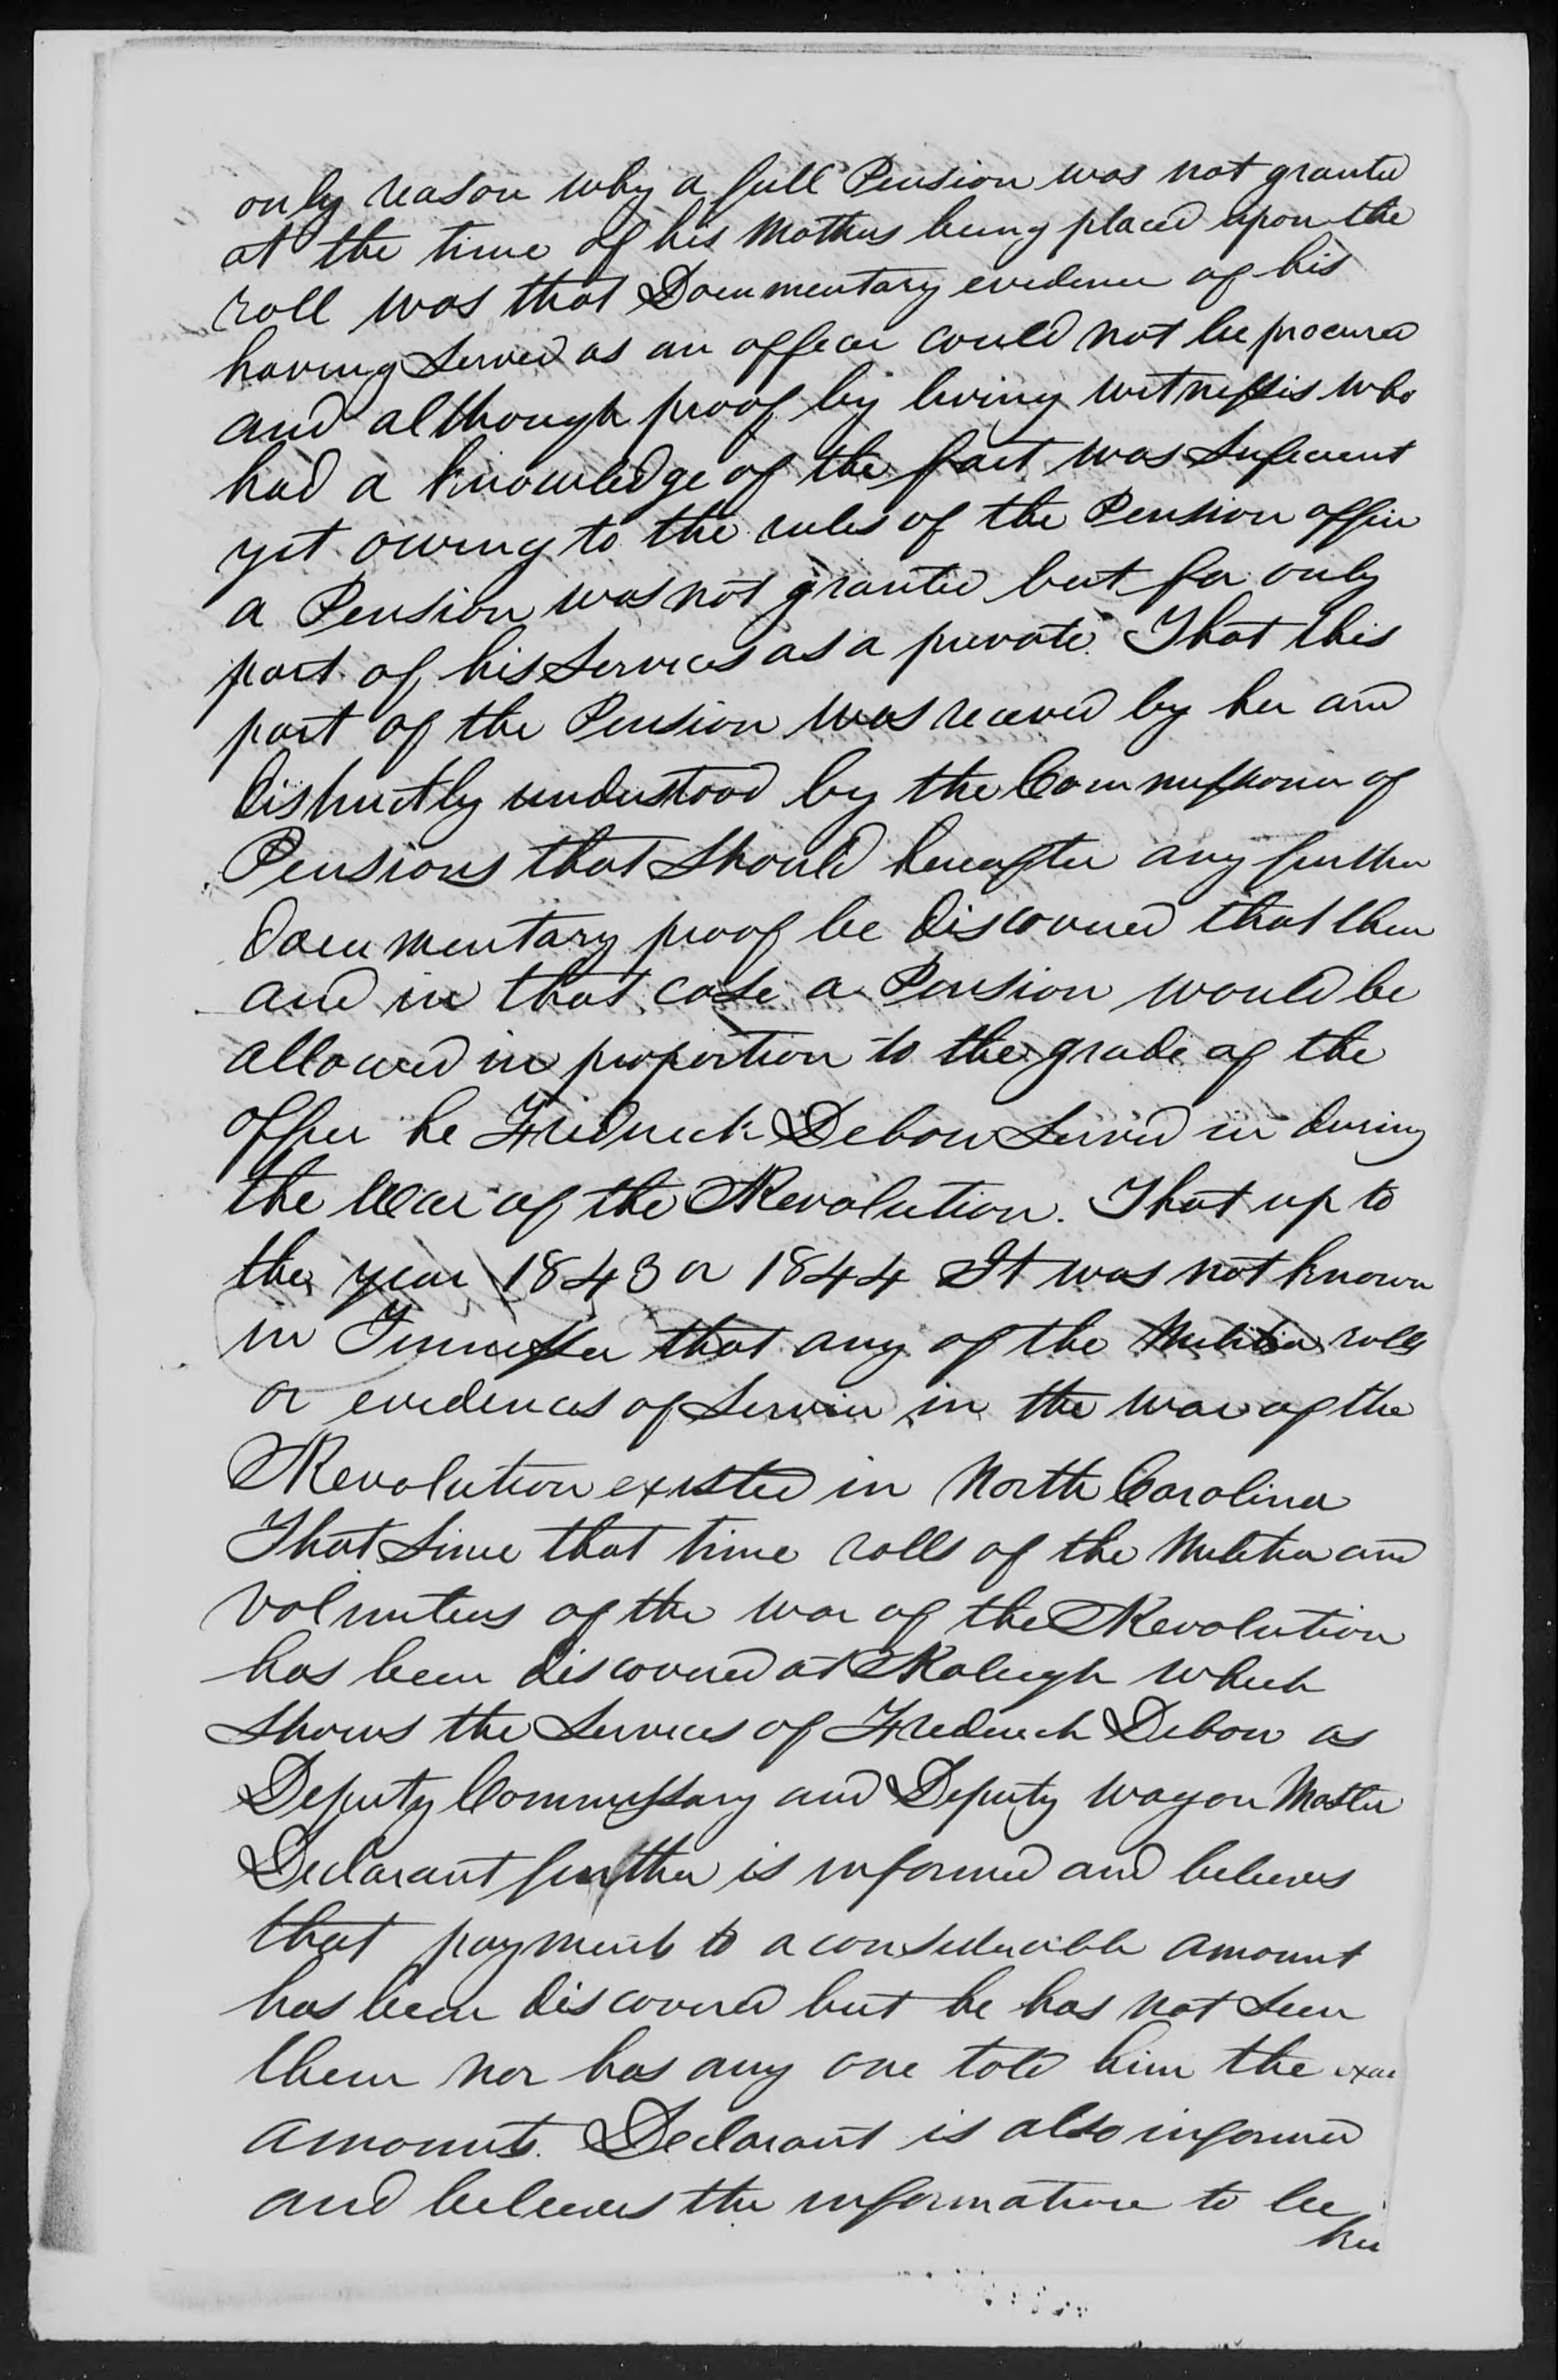Only reason why a full pension was not granted at the time of his mother being placed [illegible]
 The roll was that Documentary evidence of his having served as an officer could not be procured and although proof by living witnesses who had a knowledge of the fact was sufficient yet owing to the rules of the Pension officer a pension was not granted but for only part of his services as a private. That this part of the pension was received by her and [illegible] Understood by the Commissioner of pensions that should hereafter any further documentary proof he discovered that then and in that case a pension would be allowed in proportion to the grade of the officer he Frederick Debow served in during the War of the Revolution. That up to the year 1843 or 1844 It was not known in Tennessee that any of the military roll or evidenced of services in the War of the Revolution existed in North Carolina that since that time rolls of the military and volunteers of the War of the Revolution has been discovered at Raleigh which shows the services of Frederick Debow as Deputy Commissionary and Deputy Wagon Master Declarant further is informed and believes that payments to a considerable amount has been discovered but he has not seen them nor has any one told him the exact amount. Declarant is also informed and believes the information to be his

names: Frederick Debow, Frederick Debow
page: 16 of 62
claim: widow's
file: W 7005, Frederick Debow, N.C.